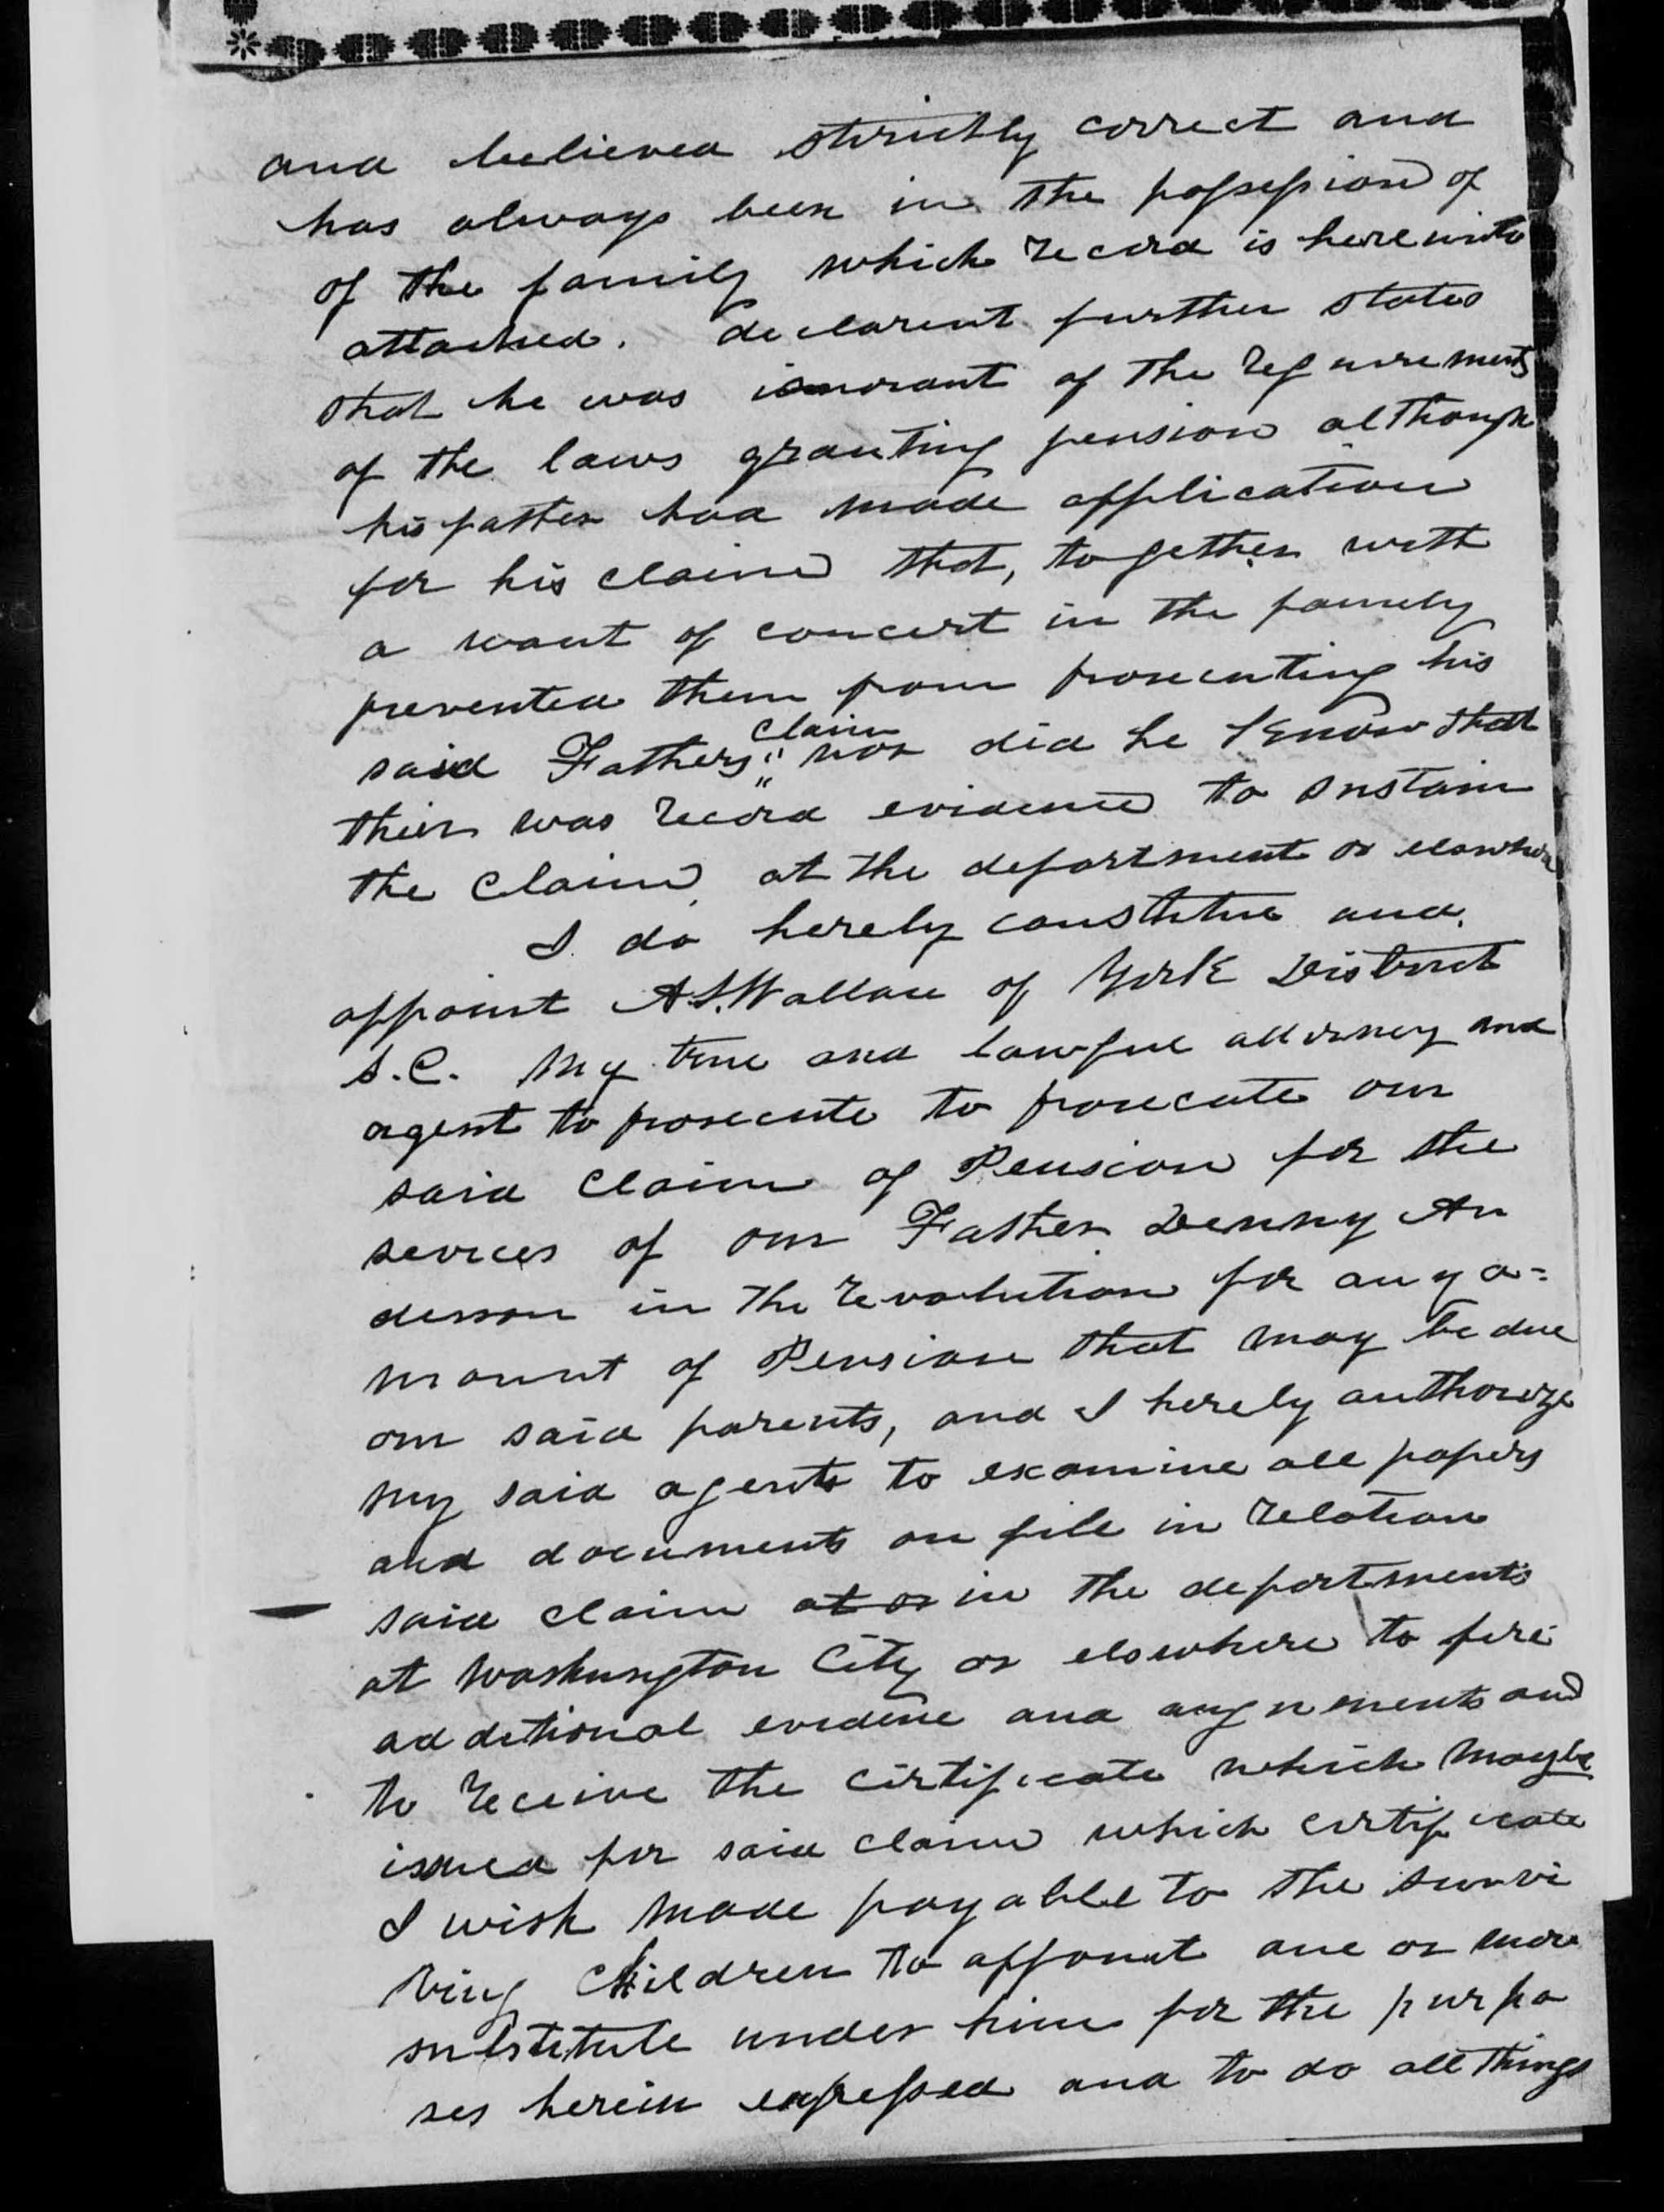and believed strictly correct and has always been in the possession of of the family which record is hereunto attached. declarint further states that he was ignorant of the requirements of the laws granting pension although his father had made application for his claim that, together with a want of concert in the family prevented them from prosecuting his said Fathers claim nor did he know that their was record evidence to sustain the claim at the department or elsewhere
I do hereby constitute and appoint A. S. Wallace of York District S.C. my true and lawful attorney and agent to prosecute to prosecute our said claim of Pension for the services of our Father Denny Anderson in the revolution for any amount of pension that may be due our said parents, and I hereby authorize my said agents to examine all papers and documents on file in relation said claim at or in the departments at Washington City or elsewhere to file additional evidence and arguments and to receive the certificate which may be issued for said claim which certificate I wish made payable to the surviving children to appoint one or more substitute under him for the purposes herein expressed and to do all things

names: Denny Anderson, A S Wallace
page: 14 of 51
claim: widow's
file: W. 9700, Denney Anderson, S.C.